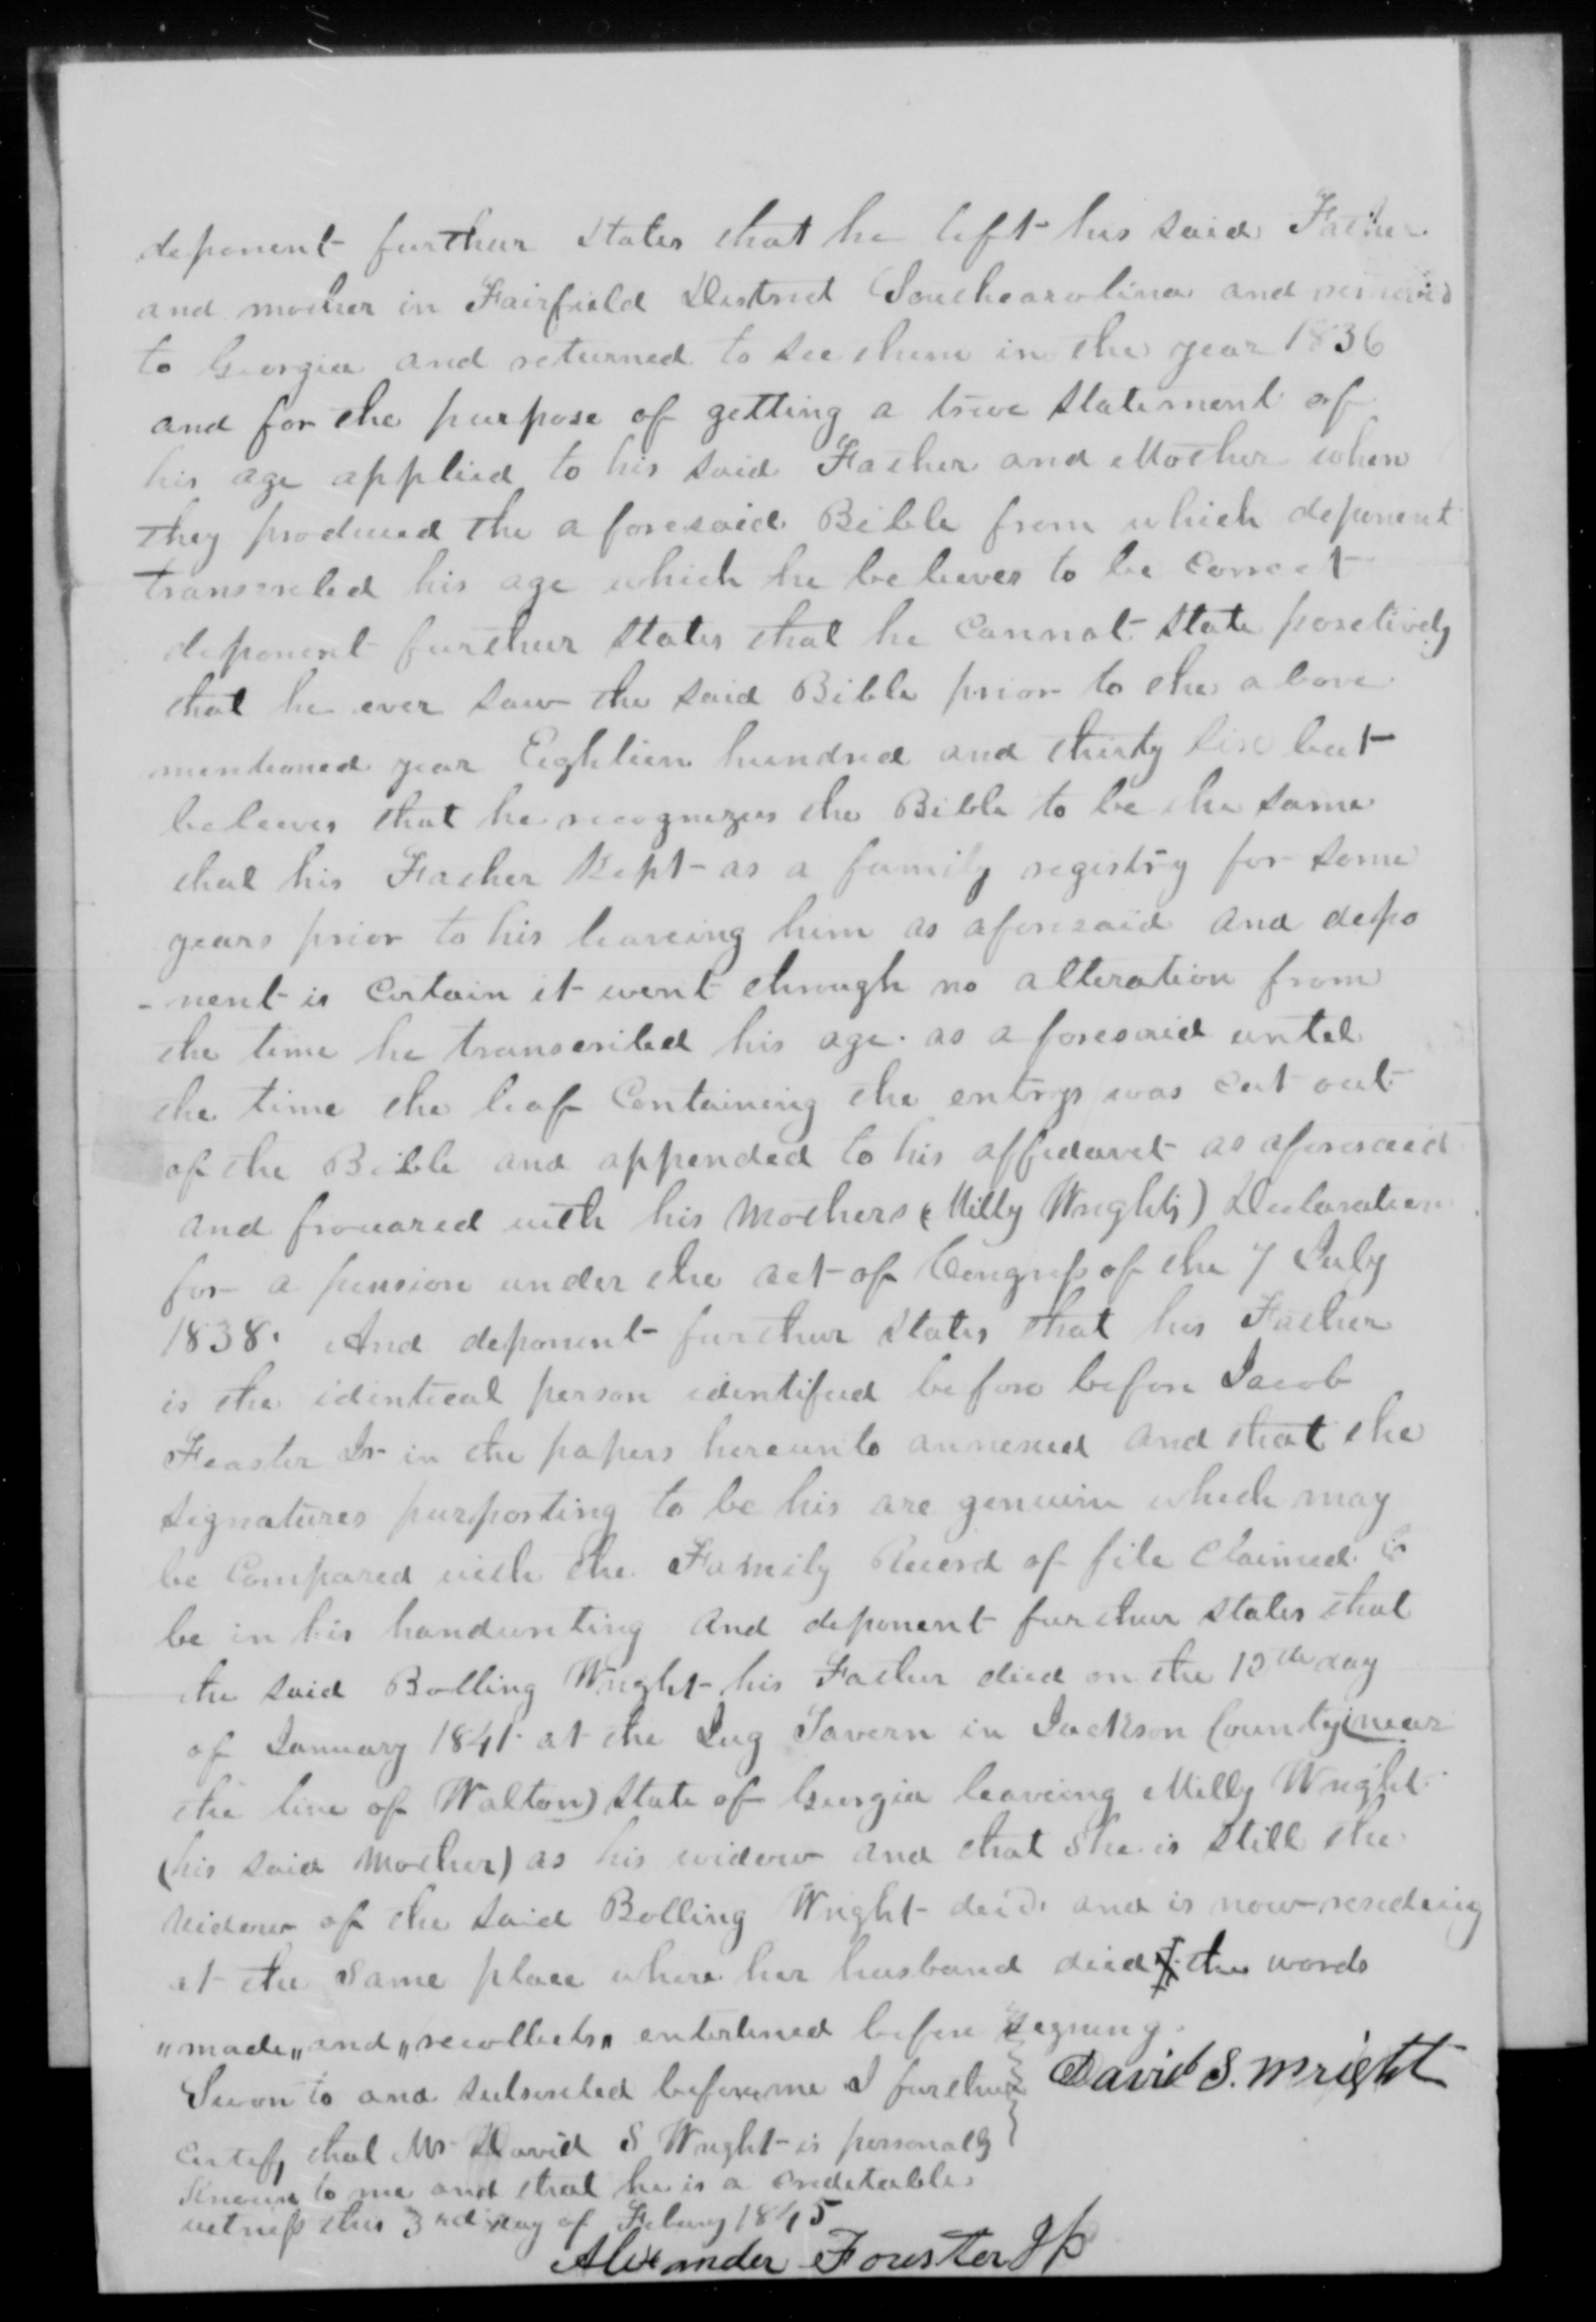deponent further states that he left his said Father and Mother in Fairfield District South Carolina and [illegible] to Georgia and returned to see them in the year 1836 and for the purpose of getting a true statement of his age applied to his said Father and Mother when they provided the aforesaid Bible from which deponent transcribed his age which he believes to be correct.  Deponent further states that he cannnot state positively that he ever saw the said Bible prior to the above mentioned year Eighteen hundred and thirty six but believes that he recognizes the Bible to be the same that his Father kept as a family registry for some years prior to his leaving him as aforesaid and deponent is certain it went through no alteration from the time be transcribed his age as aforesaid until the time the leaf containing the entry was cut out of the Bible and appended to his affidavit as aforesaid and forwarded with his Mothers (Milly Wright) Declaration for a pension under the act of Congress of the 7 July 1838.  And deponent further states that his Father is the identical person identified before before Jacob Feaster Jr. in the papers hereunto annexed and that the signature purporting to be his are genuine which may be compared with the Family Record of file claimed to be in his handwriting and deponent further states that the said Bolling Wright his Father died on the 12th day of January 1841 at the Ivy Tavern in Jackson County (near the line of Walton) State of Georgia leaving Milly Wright (his said mother) as his widow and that she is still the widow of the said Bolling Wright decd and is now residing at the same place where her husband died  The words "made" and "[illegible] [illegible] before [illegible] David S. Wright

Sworn to and subscribed before me I further certify that Mr David S. Wright is personally known to me and that he is a [illegible] [illegible] this 3rd day of February 1845
Alexander Forester JP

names: Alexander Forester, Jacob Feaster, Bolling Wright, Milly Wrights, David S Wright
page: 32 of 81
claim: widow's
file: W. 5183, Bolling Wright, Va.